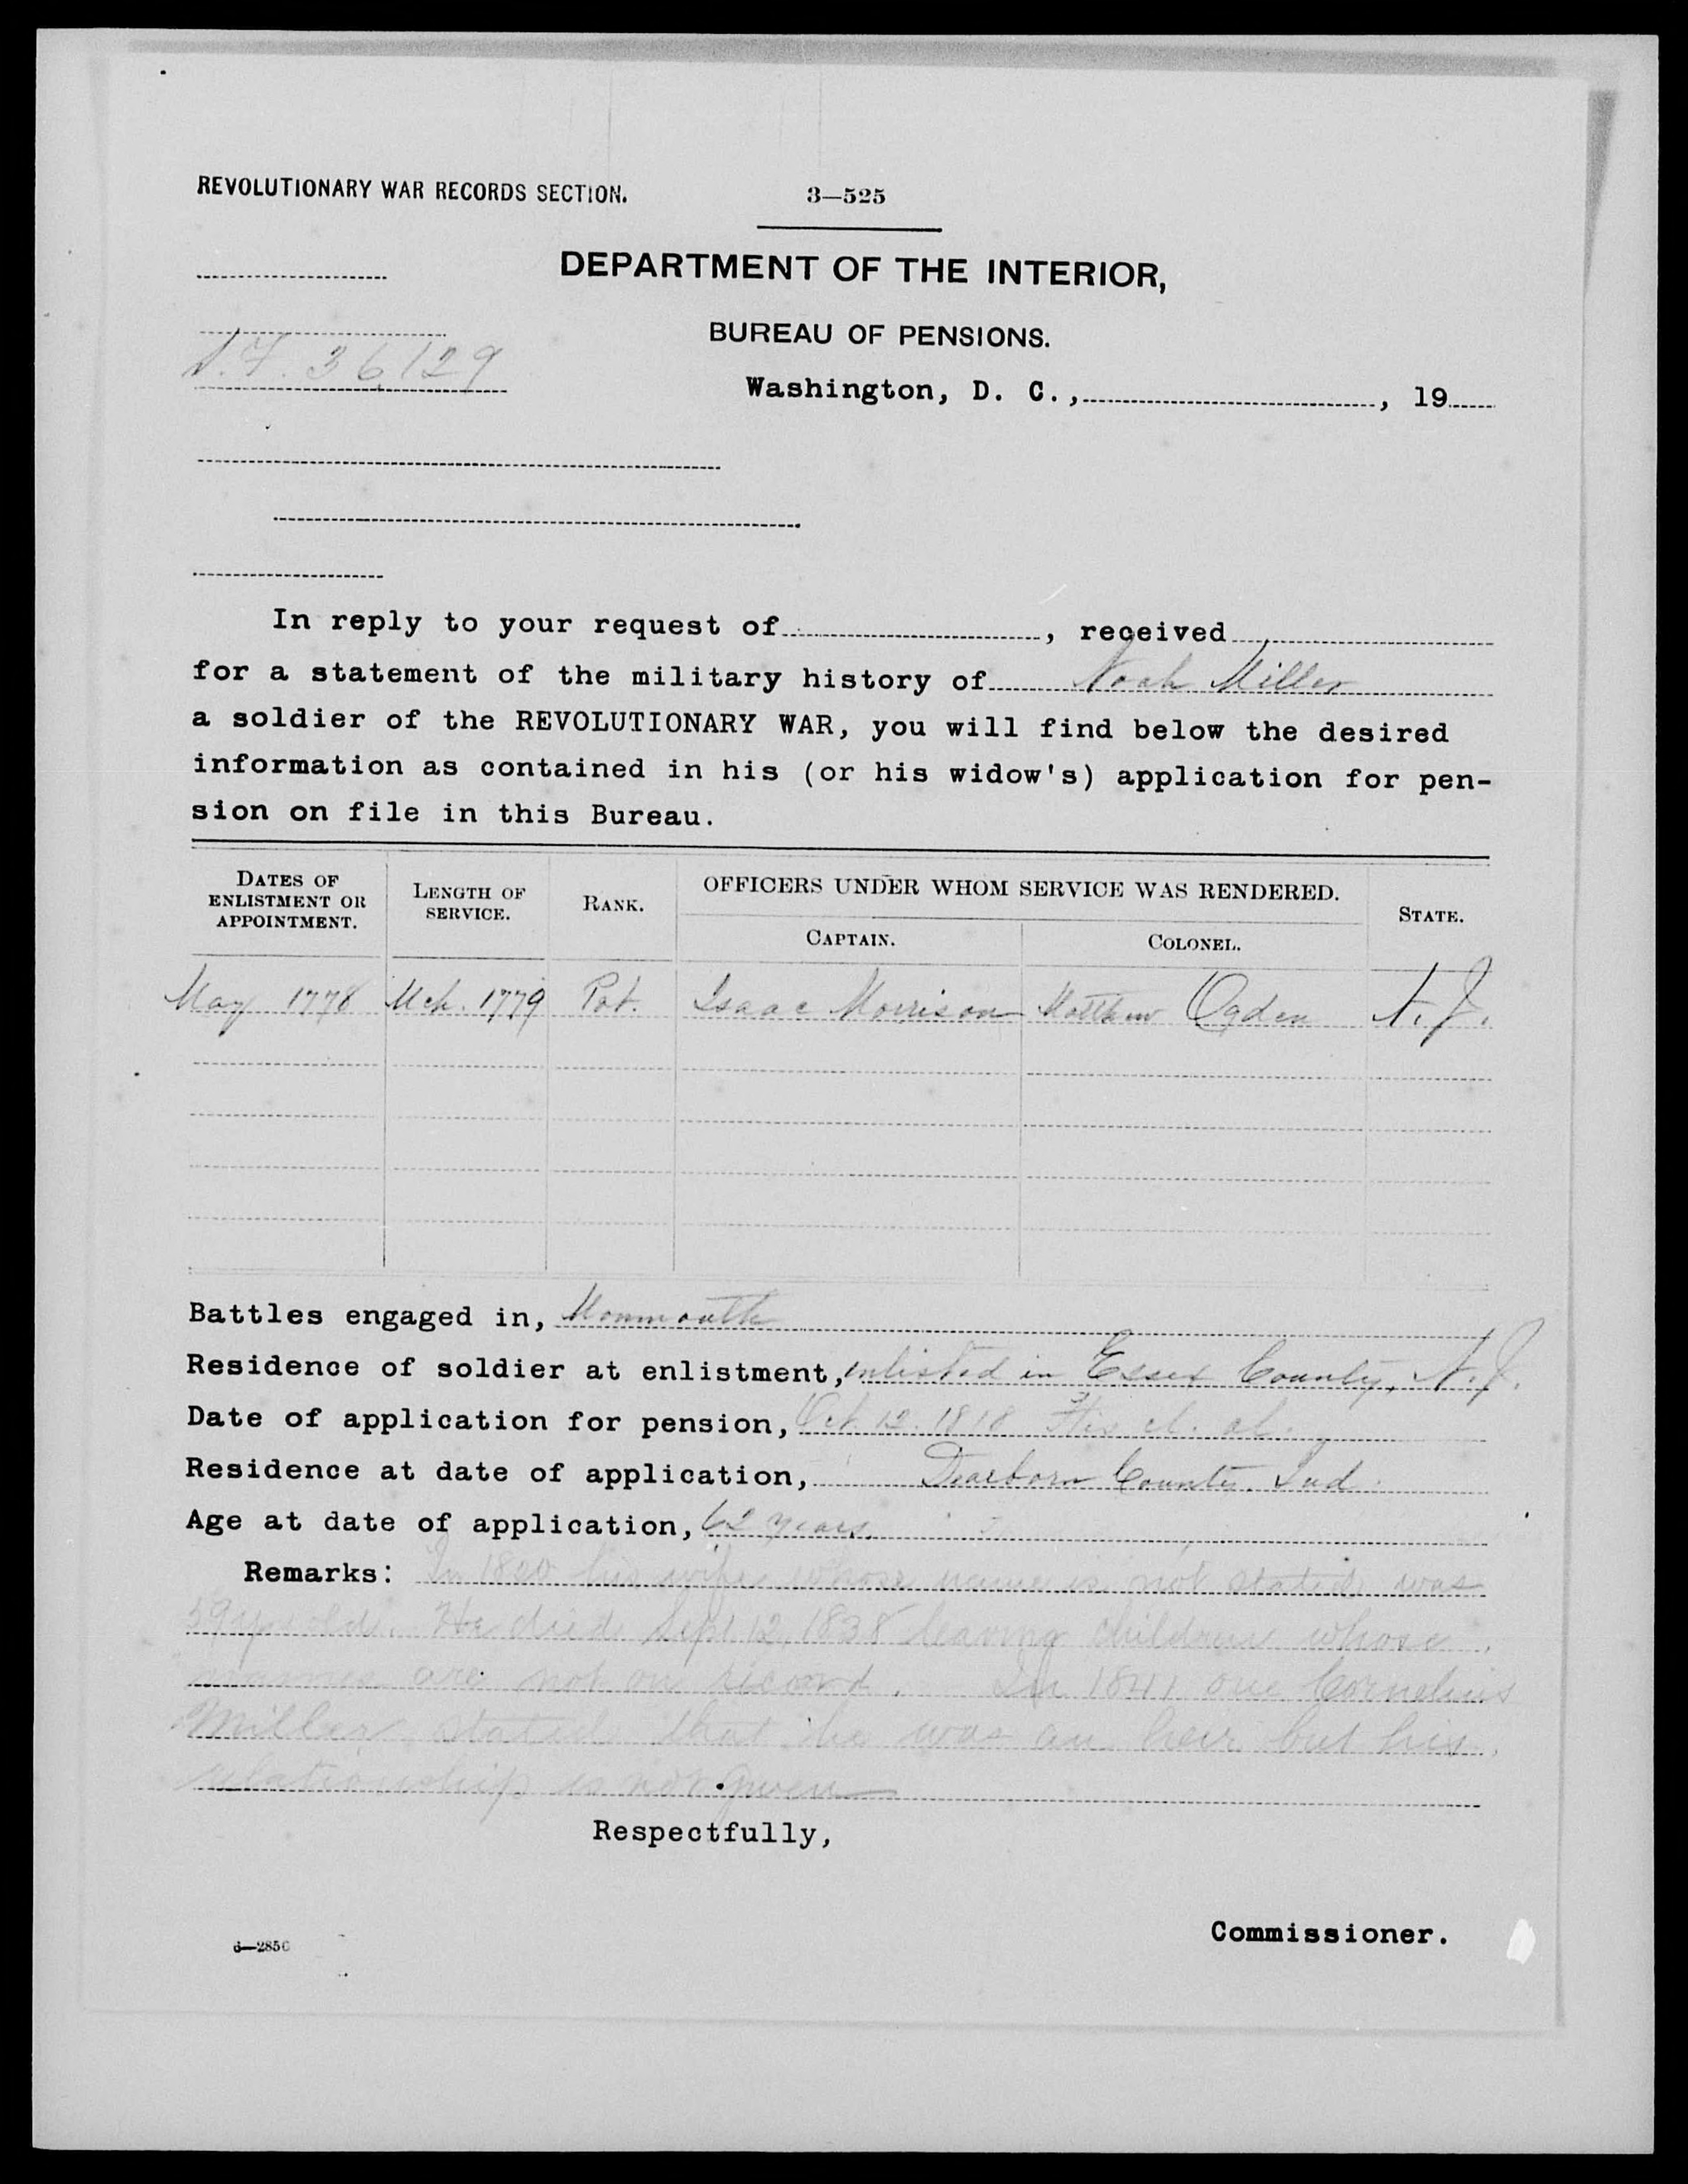REVOLUTIONARY WAR RECORDS SECTION
3-535
DEPARTMENT OF THE INTERIOR,
BUREAU OF PENSIONS
Washington, D.C.
S.F. 36129

In reply to your request of (blank) received (blank) for a statement of the military history of Noah Miller a soldier of the REVOLUTIONARY WAR, you will find below the desired information as contained in his (or his widow's) application for pension on file in this Bureau.

DATES OF ENLISTMENT OR APPOINTMENT
May 1778
LENGTH OF SERVICE
Mch 1779
RANK
Prt.
OFFICERS UNDER WHOM SERVICE WAS RENDERED
CAPTAIN
Isaac Morrison
COLONEL
Matthew Ogden
STATE
N.J.

Battels engaged in, Monmouth
Residence of soldier at enlistment enlisted in Essex county N.J.
Date of application for pension, Oct. 13, 1818 His et.al.
Residence at date of application, Dearborn County Ind.
Age at date of application, 62 years
Remarks:  In 1800 his wife whose name is not stated was 59 years old  He died Sept 12, 1838 leaving children whose names are not on record.  In 1841 one Cornelius Miller stated that he was an heir but his relationship is not given

Respectfully,
Commissioner
d-285c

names: Cornelius Miller; Isaac Morrison; Matthew Ogden; Noah Miller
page: 10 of 20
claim: survivor's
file: S. 36129, for Noah Miller, New Jersey